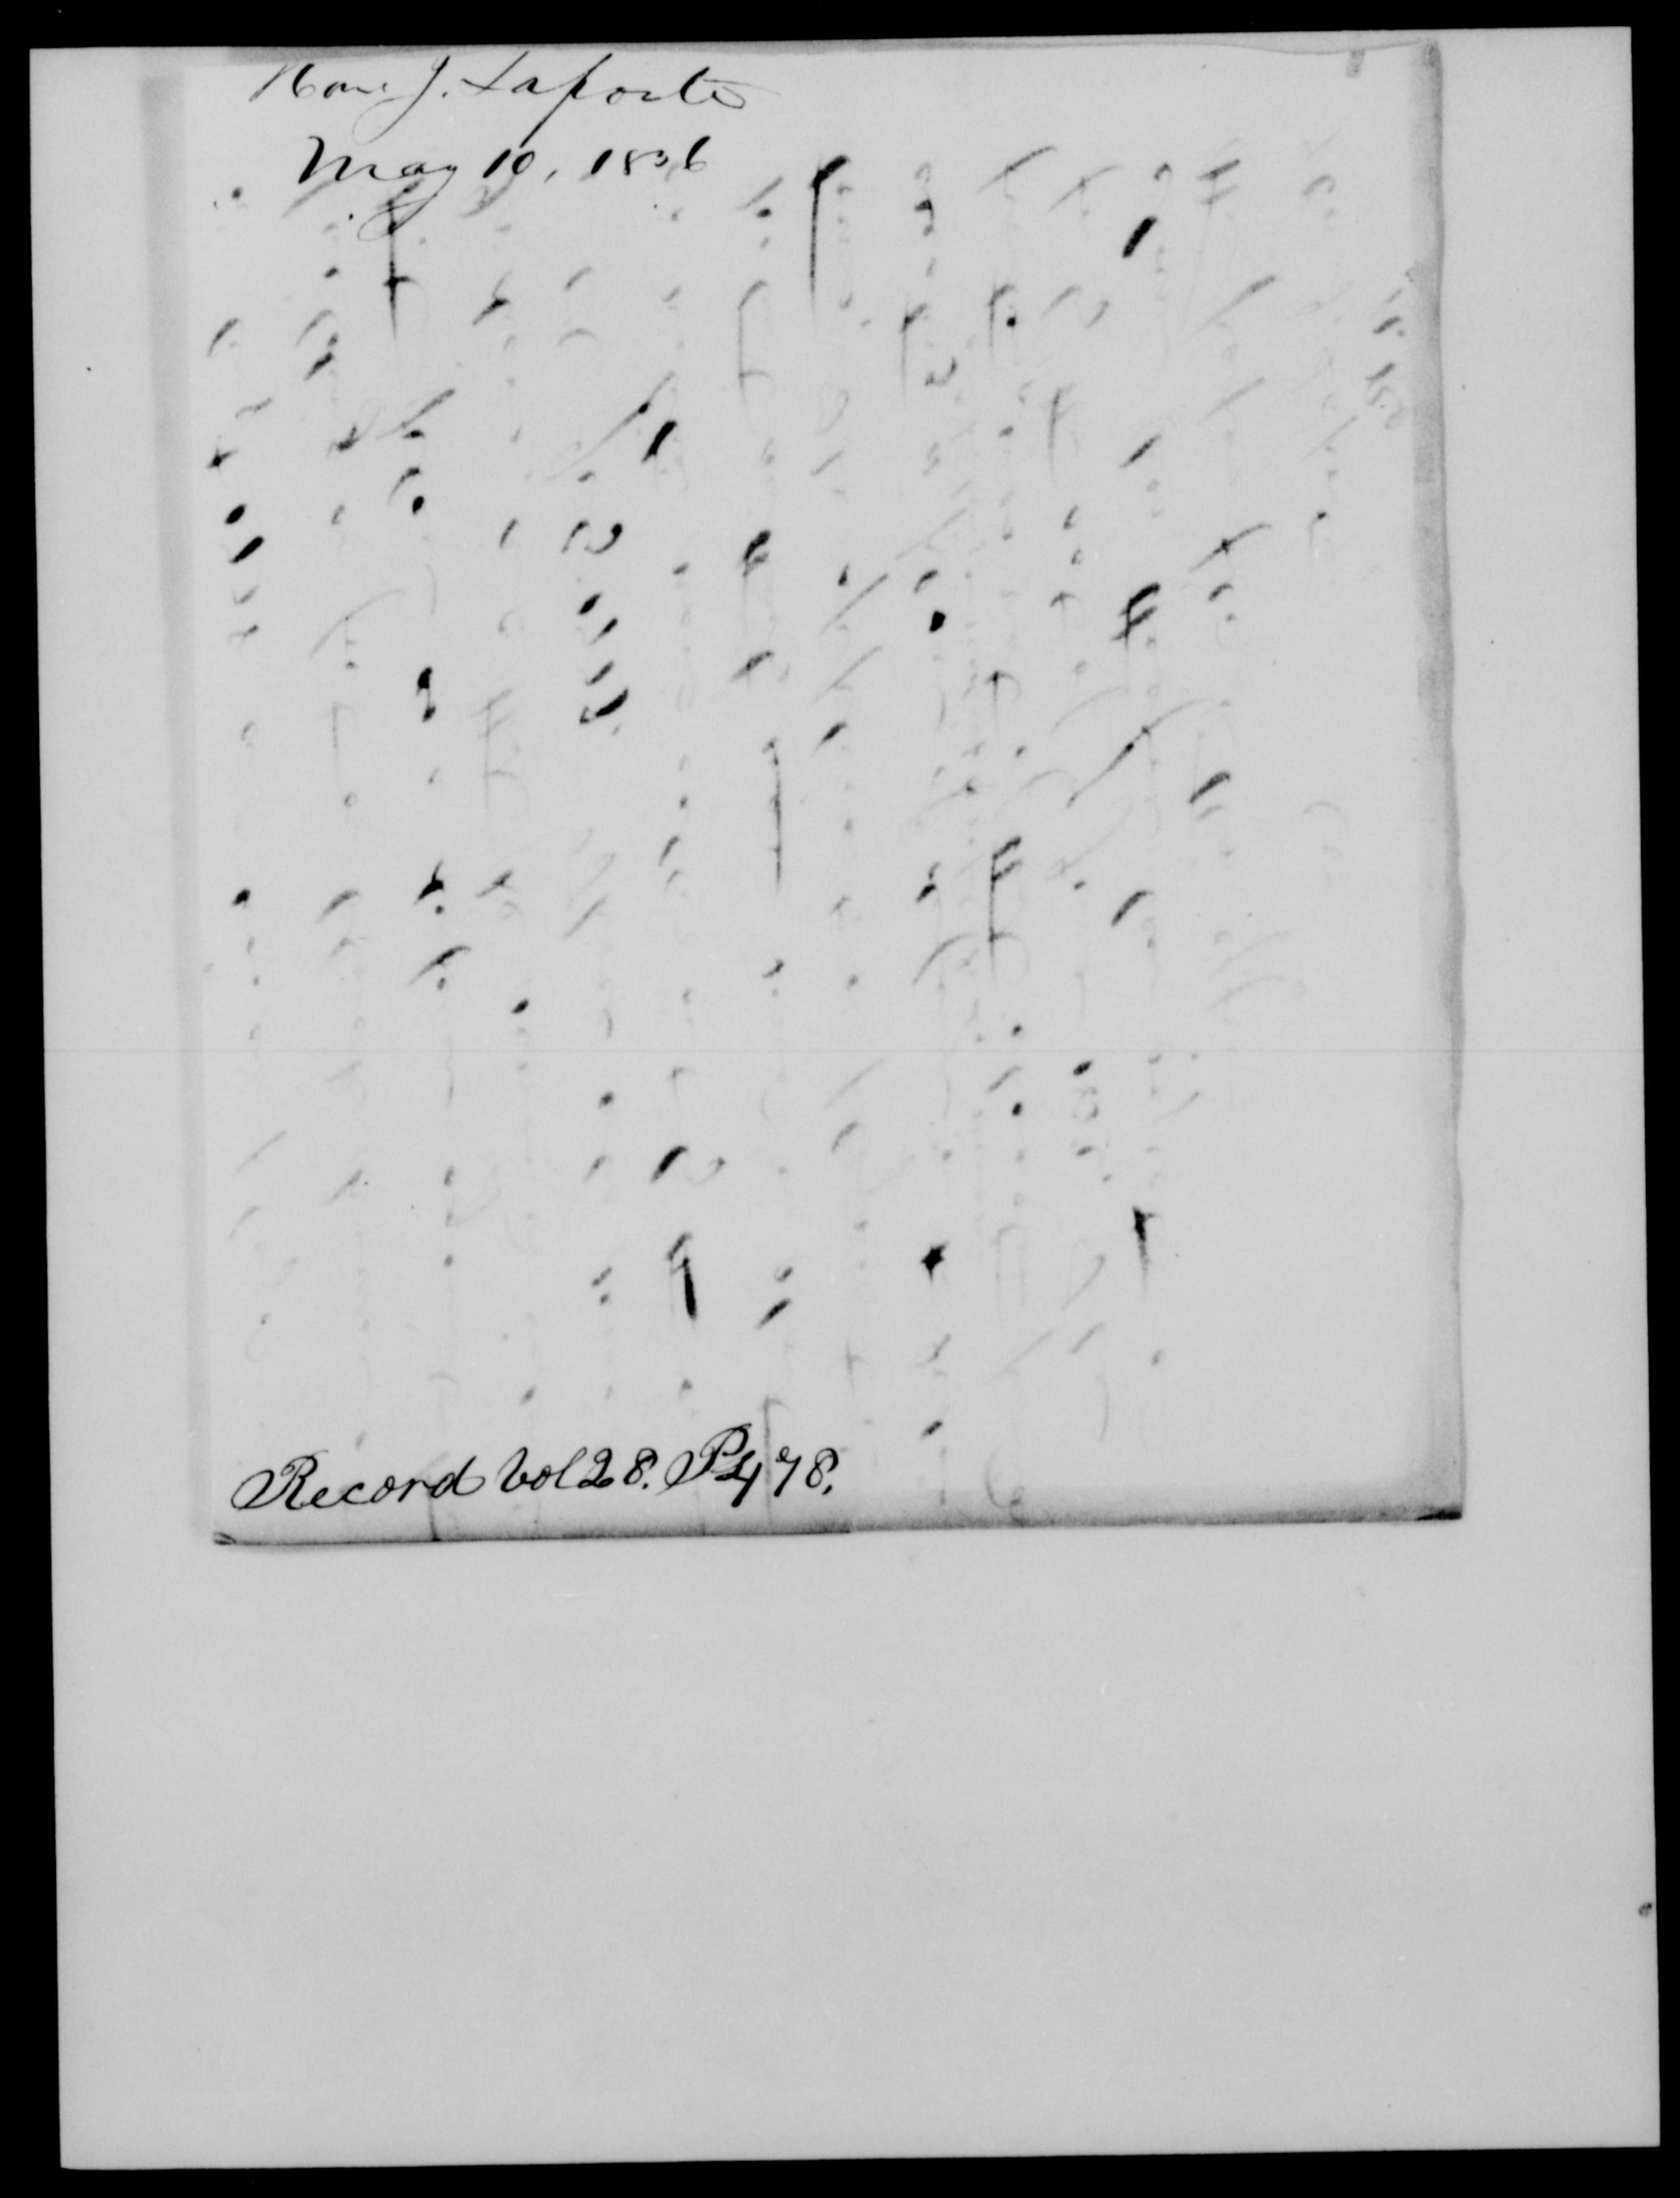[Appears to be written on the back of a page, the writing on the front having bled through.]

Hon. J. Laporte
May 10, 1836

Record Vol 28, Pg 78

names: J Laporte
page: 25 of 29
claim: rejected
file: R. 9570, for Jabez Sill, Connecticut